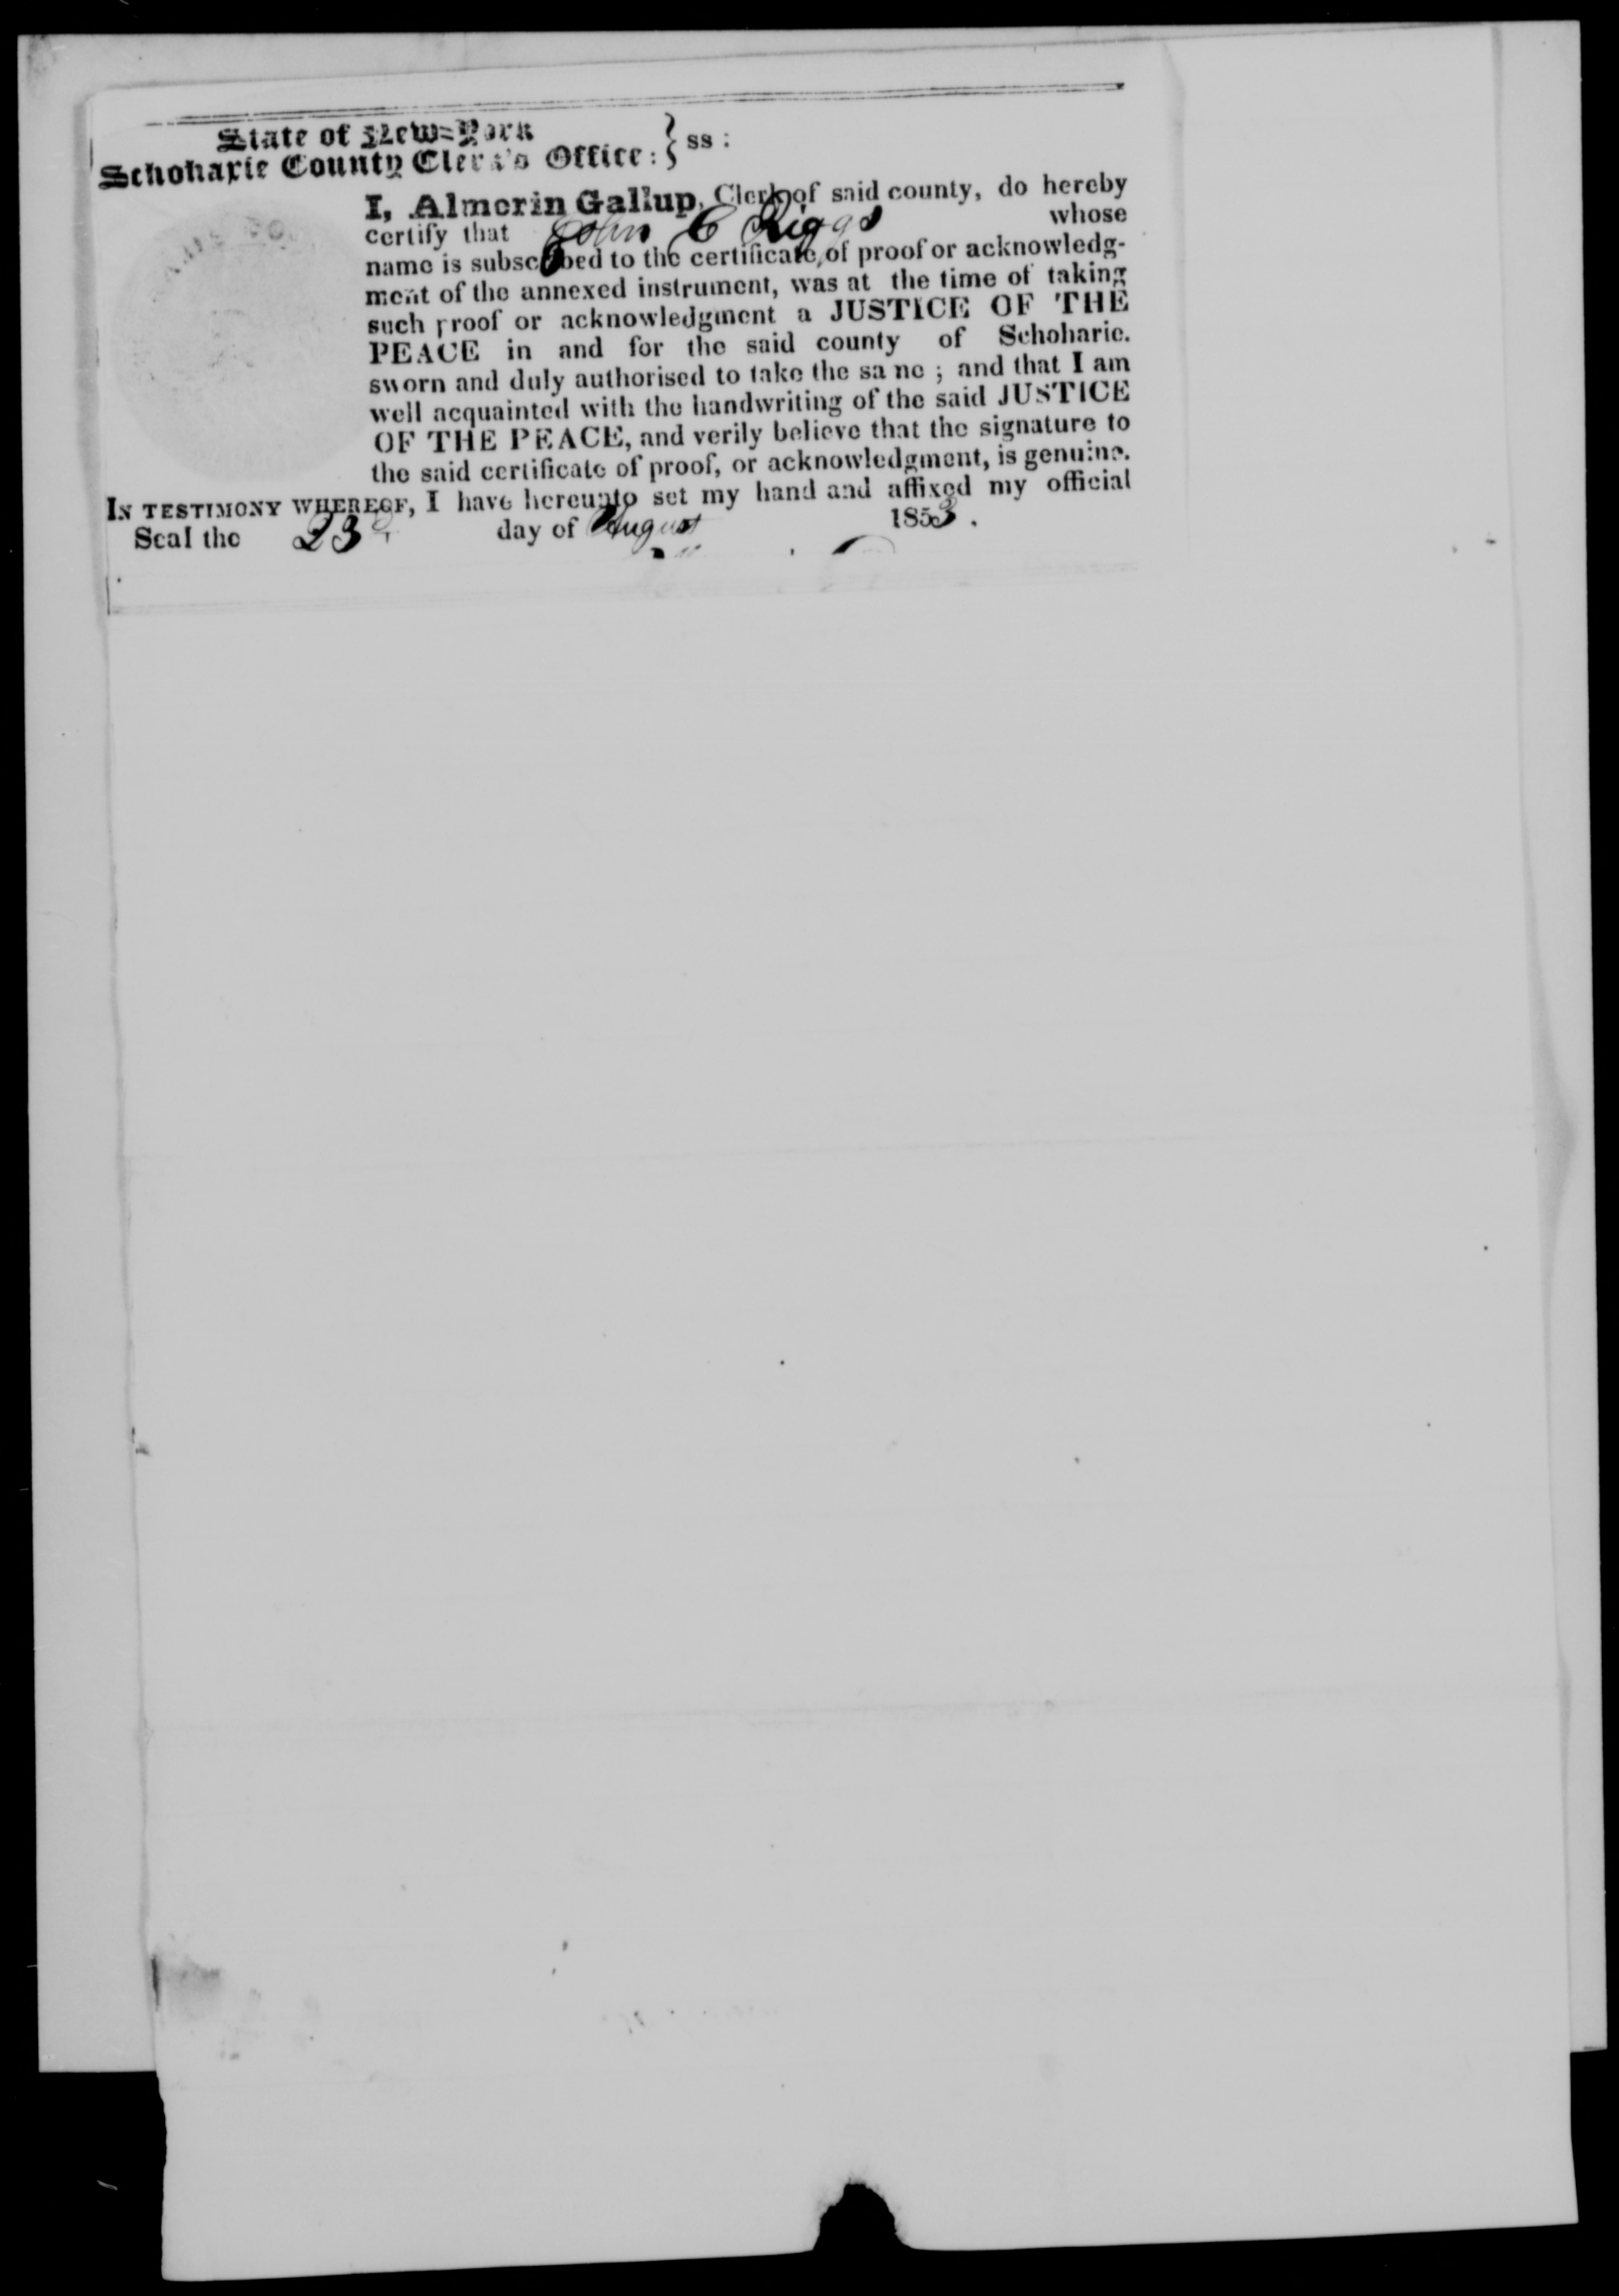State of New York Schohaxie County Clerk's Office
I Almerin Gallup, Clerk of said county, do hereby certify that John C Riggs whose name is subscribed to the certificate, of proof or acknowledgement of the annexed instrument, was at the time of taking such proof or acknowledgement a Justice of the Peace in and for the said county of Schoharie. sworn and duly authorised to take the same; and that I am well acquainted with the handwriting of the said Justice of the Peace and verily believe that the signature to the said certificate of proof, or acknowledgment is genuine, In testimony whereof I have hereunto set my hand and affixed my official seal the 23 day of August 1853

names: John C Riggs, Almerin Gallup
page: 23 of 67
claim: widow's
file: W. 7379, George Young, New Jersey